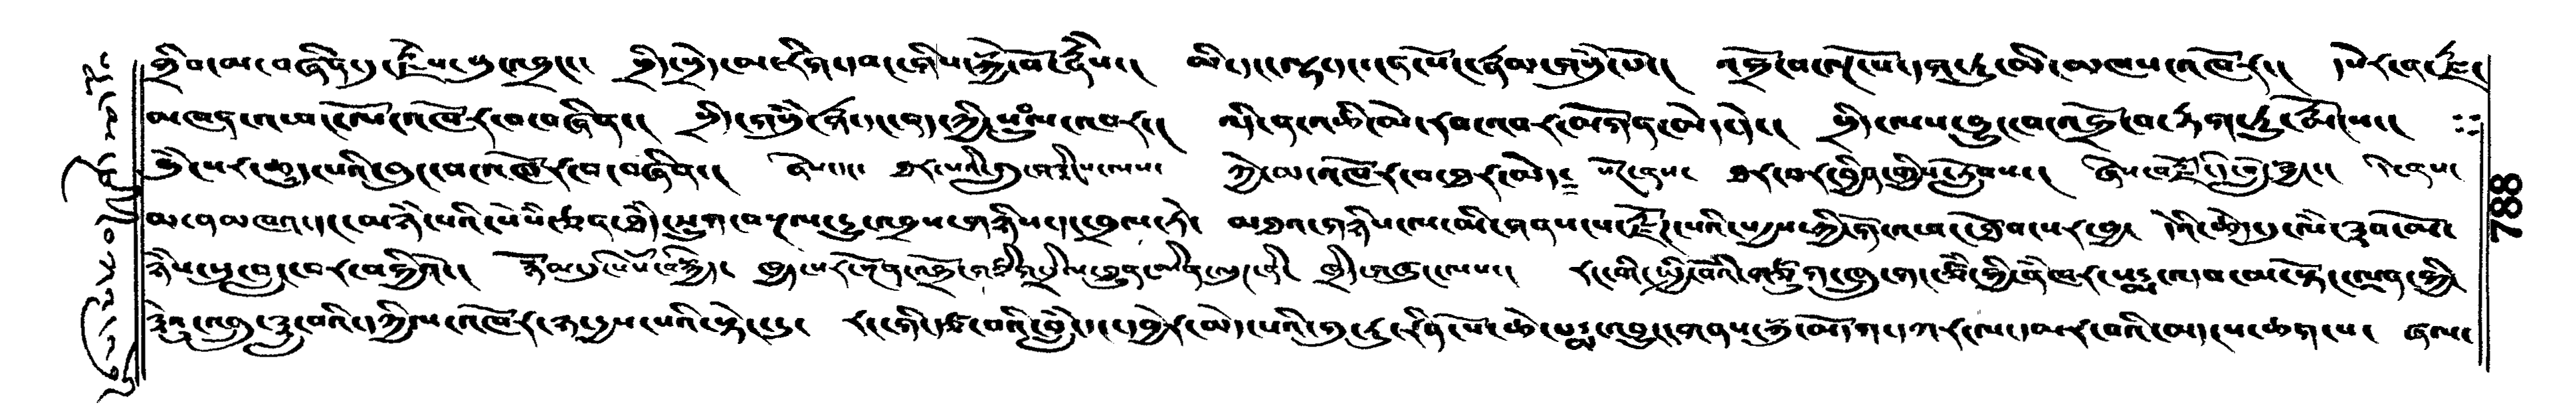གྲིབ་མ་བཞིན་དུ་རྗེས་སུ་འབྲང་། །སྲིད་སྲེད་མ་རིག་དབང་གིས་སྐྱེ་བོ་རྣམས། །མི་དང་ལྷ་དང་ངན་སོང་རྣམ་གསུམ་པོ། །འགྲོ་བ་ལྔ་པོ་དག་ཏུ་མི་མཁས་འཁོར། །དཔེར་ན་རྫ་
མཁན་འཕང་ལོ་འཁོར་བ་བཞིན། །སྲིད་གསུམ་རྒ་དང་ནད་ཀྱི་སྡུག་བསྔལ་འབར། །འདི་ན་འཆི་མེ་རབ་འབར་མགོན་མེད་དེ། །སྲིད་ལས་བྱུང་བ་འགྲོ་བ་རྟག་ཏུ་རྨོངས། །
བུམ་པར་ཆུད་པའི་བུང་བ་འཁོར་བ་བཞིན།ཞེས་དང་། ཐར་པའི་གྲུ་གཟིངས་ལས། ཀྱེ་མ་འཁོར་བ་མཐའ་མེད༴ སོགས་ནས། ཐར་བར་བྱིན་གྱིས་རློབས། ཞེས་བརྗོད་དེ་བློ་སྦྱང་། དེ་ནས་
མ་ནམ་མཁའ་དང་མཉམ་པའི་སེམས་ཅན་ཐམས་ཅད་སྡུག་བསྔལ་རྒྱུ་འབྲས་གཉིས་དང་བྲལ་ཏེ། མཐའ་གཉིས་ལ་མི་གནས་པ་རྫོགས་པའི་སངས་རྒྱས་ཀྱི་གོ་འཕང་ཐོབ་པར་བྱ། དེའི་ཆེད་དུ་ལམ་ཟབ་མོ་
ཉམས་སུ་བླང་བར་བགྱིའོ། སྙམ་དུ་སེམས་བསྐྱེད། ཁྱད་པར་སྔོན་འགྲོ་གཅིག་དྲིལ་ཐུན་མིན་ལུགས་ནི། ཁྲིད་གཞུང་ལས། རང་གི་སྤྱི་བོའི་གཙུག་ཁྲུ་གང་ཙམ་གྱི་ནམ་མཁར་པདྨ་འདབ་མ་སྟོང་ལྡན་གྱི་
ཟེའུ་འབྲུ་ཟླ་བའི་དཀྱིལ་འཁོར་ཉ་རྒྱས་པའི་སྟེང་དུ། རང་གི་རྩ་བའི་བླ་མ་དང་དབྱེར་མེད་པའིགུ་རུ་རིན་པོ་ཆེ་པདྨ་འབྱུང་གནས་སྐུ་མདོག་དཀར་ལ་དམར་བའི་མདངས་ཆགས་པ། ཞལ་